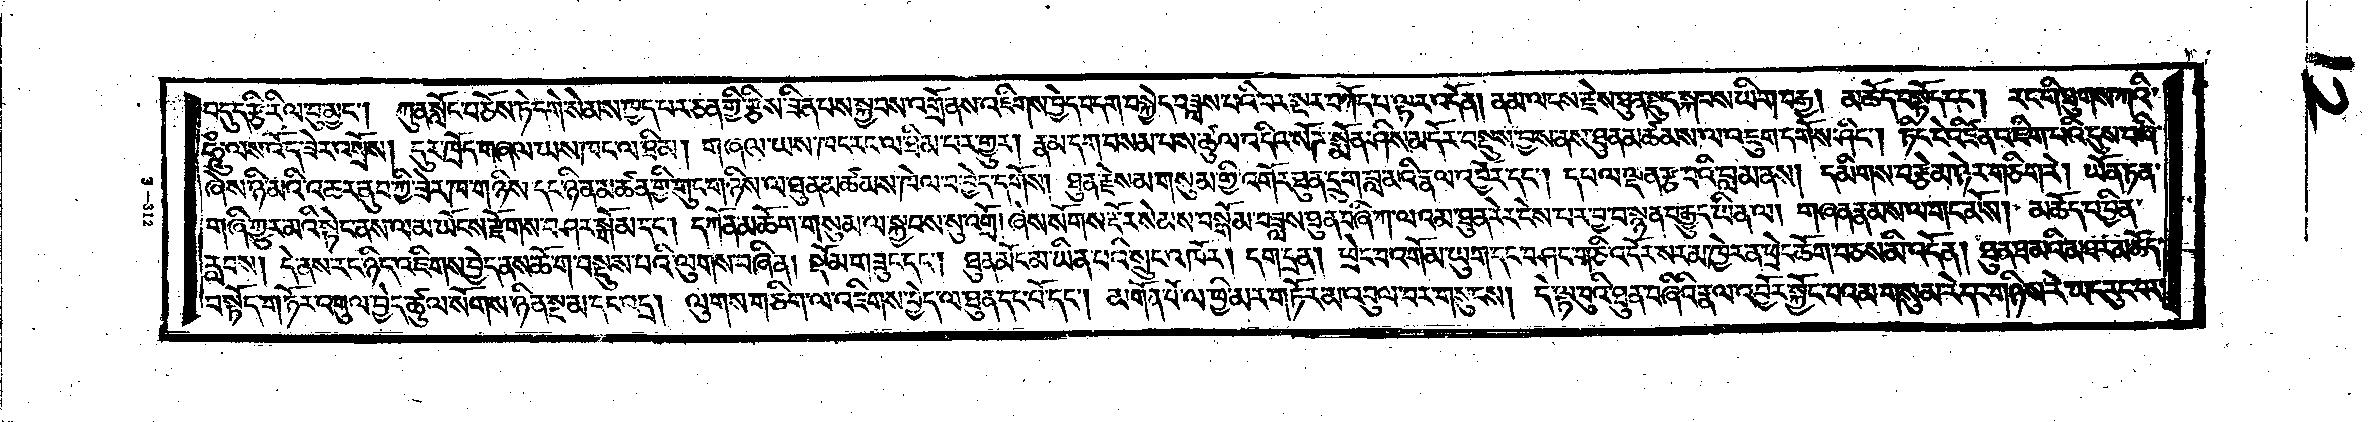བདུད་རྩི་རིལ་བུ་མྱང་། ཀུན་སློང་བཅོས་ཏེ་དགེ་སེམས་ཁྱད་པར་ཅན་གྱི་རྩིས་ཟིན་པས་སྐྱབས་འགྲོ་ནས་འཇིགས་བྱེད་བདག་བསྐྱེད་བཟླས་པའི་བར་སྔར་བཀོད་པ་ལྟར་འདོན། ནམ་ལངས་རྗེས་ཐུན་སྡུད་སྐབས་ཡིག་བརྒྱ། མཆོད་བསྟོད་དང་། རང་གི་ཐོགས་ཀའི་
ཧཱུཾ་ལས་འོད་ཟེར་འཕྲོས། དུར་ཁྲོད་གཞལ་ཡས་ཁང་ལ་ཐིམ། གཞལ་ཡས་ཁང་རང་ལ་ཐིམ་པར་གྱུར། རྣམ་དག་བསམ་པས་ཚུལ་འདིའི་སོཌ་སྨོན་ཤིས་མདོར་བསྡུས་བྱས་ནས་ཐུན་མཚམས་ལ་འཇུག་དགོས་ཤིང་། ཏིང་ངེ་འཛིན་འཇིག་པའི་དུས་བཞི་
ཞེས་ཉི་མའི་འཆར་ནུབ་ཀྱི་ཟེར་ཁ་གཉིས་དང་ཉིན་མཚན་གྱི་གུང་གཉིས་ལ་ཐུན་མཚམས་ཁེལ་བ་བྱེད་དགོས། ཐུན་རྗེས་མ་གསུམ་གྱི་འགོར་ཐུན་དྲུག་བླ་མའི་རྣལ་འབྱོར་དང་། དཔལ་ལྡན་རྩ་བའི་བླ་མ་ནས། དམིགས་བརྩེམ་ཉེར་གཅིག་རེ། ཡོན་ཏན་
གཞི་གྱུར་མའི་སྟེང་ནས་ལ་མ་ཡོངས་རྫོགས་བཤར་སྒོམ་དང་། དཀོན་མཆོག་གསུམ་ལ་སྐྱབས་སུ་འགྲོ། ཞེས་སོགས་རྡོར་སེམས་བསྒོམ་བཟླས་ཐུན་བཞི་ཀ་ལའམ་ཐུན་རེར་ངེས་པར་བྱ་བ་སྙན་བརྒྱུད་ཡིན་ལ། གཞན་རྣམས་ལ་གང་མོས། མཆོད་པ་བྱིན་
རླབས། དེ་ནས་རང་ཉིད་འཇིགས་བྱེད་ནས་ཆོག་བསྡུས་པའི་ལུགས་བཞིན། སྡོམ་གཟུང་དང་། ཐུན་མོང་མ་ཡིན་པའི་སྲུང་འཁོར། དག་དྲན། ཕྲེང་བ་འགོམ་ཡུག་དང་བཤང་གཅིག་འདོར་སར་མ་ཁྱེར་ན་ཕྲེང་ཆོག་བཅས་མི་འདོན། ཐུན་ཐ་མའི་མཐར་མཆོད་
བསྟོད་གཏོར་འགུལ་བྱེད་ཚུལ་སོགས་ཉིན་སྔ་མ་དང་འདྲ། ལུགས་གཅིག་ལ་འཇིགས་བྱེད་ལ་ཐུན་དང་པོ་དང་། མགོན་པོ་ལ་ཕྱི་མར་གཏོར་མ་འབུལ་བར་གསུངས། དེ་ལྟ་བུའི་ཐུན་བཞིའི་རྣལ་འབྱོར་སྐྱོང་བའམ་གསུམ་རེ་དང་གཉིས་རེ་ཡང་རུང་བར་